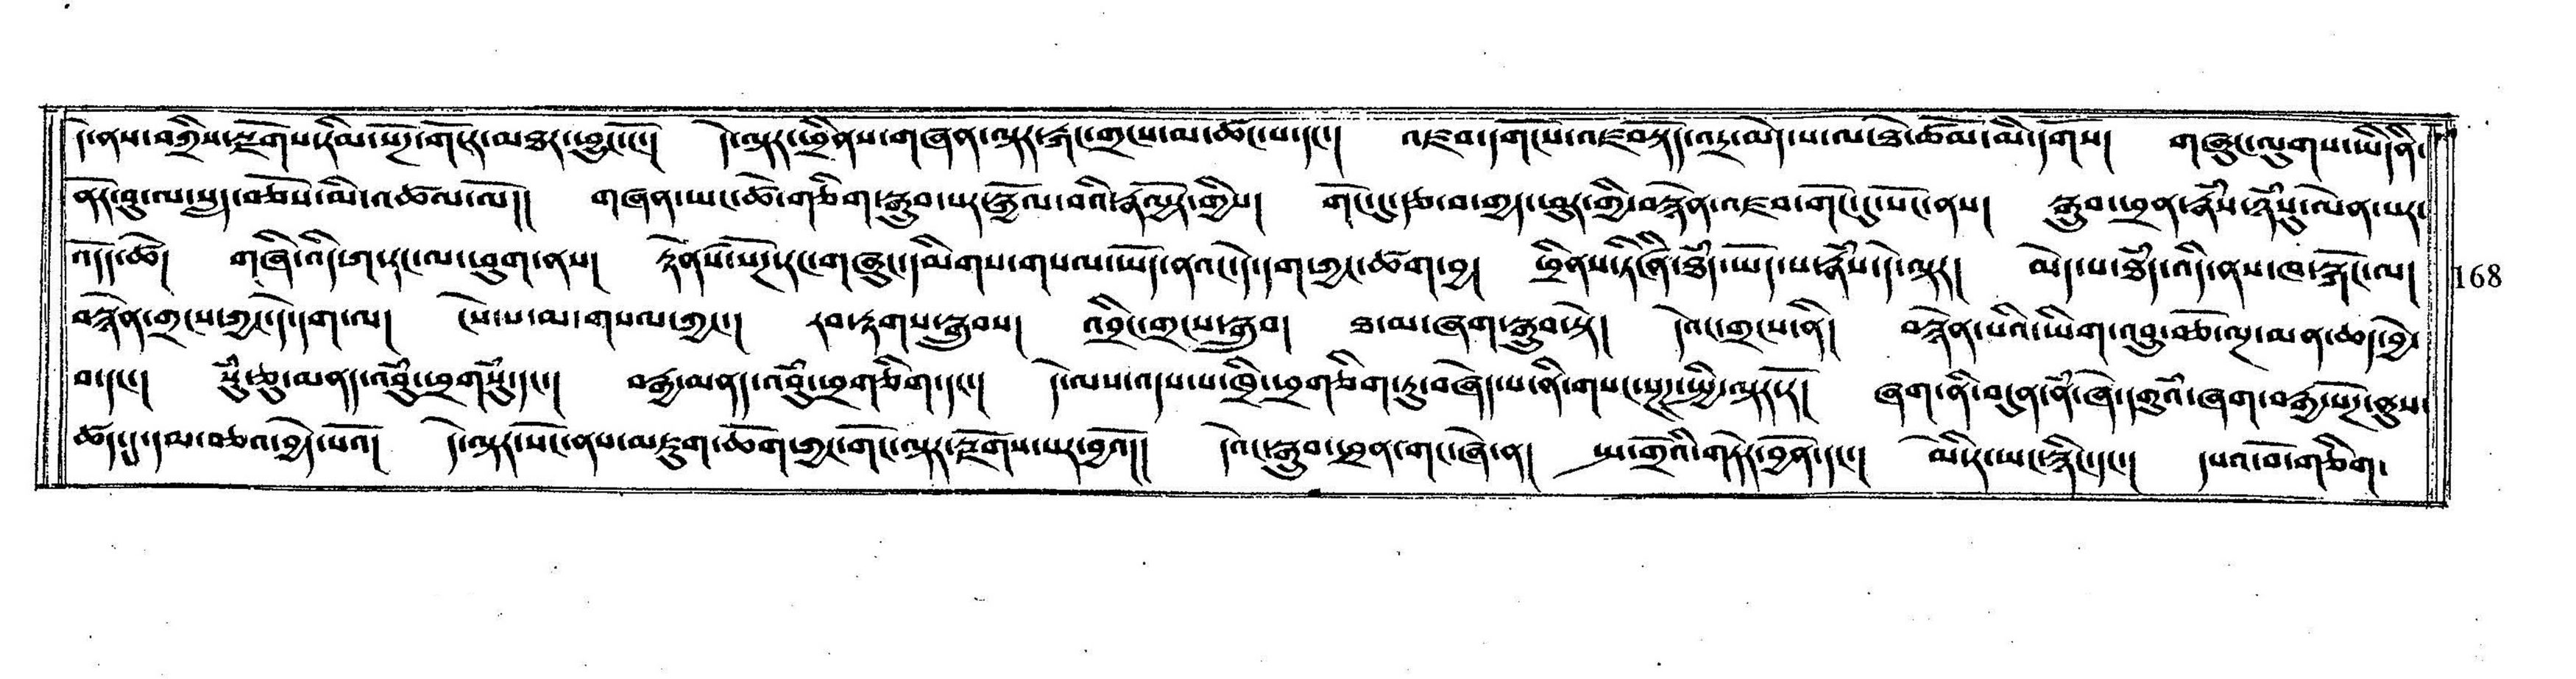དེ་ནས་བཀྲ་ཤིས་རྫོགས་རིམ་སོགས་གོང་ལྟར་མཐར་ཕྱུང་ངོ་། དེ་ལྟར་ཕྲིན་ལས་གཞན་ལྟར་རྐང་གྲངས་མ་ཚང་པ་དང་། འཛབ་དགོངས་འཛབ་བསྟོད་འདྲ་མེད་པ་ལ་ཐེ་ཚོམ་མི་དགོས། གཞུང་ལུགས་ཡིད་བཞིན་
ནོར་བུ་ལ་སླད་བཅོས་མི་འཚལ་ལོ།། གཞན་ཡང་ཚེ་གཅིག་སྒྲུབ་པར་སྐྱོལ་བའི་རྣལ་འབྱོར་གྱིས། གོང་དུ་རྩ་བ་གྱད་ཕུར་གྱི་བསྙེན་འཛབ་གོང་དུ་སོང་ནས། སྒྲུབ་ཕྲན་རྣམས་ཉམས་སུ་ལེན་པར་
འདོད་ཚེ། གཞི་འདི་ཀ་རང་ལ་ཕུག་ནས། རྟེན་རྫས་སོགས་རང་གཞུང་དམིགས་གསལ་ཡོད་ནའང་དེ་དག་ཀྱང་ཚག་བྱ། ཕྲིན་ལས་ཏིང་འཛིན་ཐམས་ཅད་ཡོད་པ་རྣམས་དེ་ལྟར། མེད་པ་ཐམས་ཅད་འདི་ནས་ཁ་སྐོང་ལ། 
བསྙེན་གྲངས་ཀྱང་དེ་དག་ལ། ངེས་པ་མ་གསལ་ཀྱང་། རབ་རྟགས་སྒྲུབ། འབྲིང་གྲངས་སྒྲུབ། ཐ་མ་ཞག་སྒྲུབ་སྟེ། དེའང་གྲངས་པ་ནི། བསྙེན་པའི་ཡིག་འབྲུ་བཅོ་ལྔ་མན་ཆད་བྱེ་
བ་དང་། སུམ་ཅུ་མན་ཆད་འབུམ་ཕྲག་གསུམ་དང་། བརྒྱ་མན་ཆད་འབུམ་ཕྲག་གཅིག་དང་། དེ་ལས་འདས་པ་ཁྲི་ཕྲག་གཅིག་ཏུ་བཞེད་པ་ནི་གསང་སྔགས་སྤྱི་ལྟར་རོ། ཞག་ནི་བདུན་ནམ་ཞེ་དགུའམ་ཞག་བརྒྱ་སོགས་ནུས་
ཚད་དུ་དམ་བཅའ་བྱེད་པའོ། དེ་ལྟར་སོང་ནས་མཇུག་ཆོག་ཀྱང་གོང་ལྟར་རྫོགས་པར་བྱའོ།། དེའང་སྒྲུབ་ཕྲན་གང་ཞེ་ན། སྤ་གྲོའི་གཏེར་བྱོན་དང་། མེ་རི་ཡང་སྙིང་དང་། དཔའ་བོ་གཅིག་